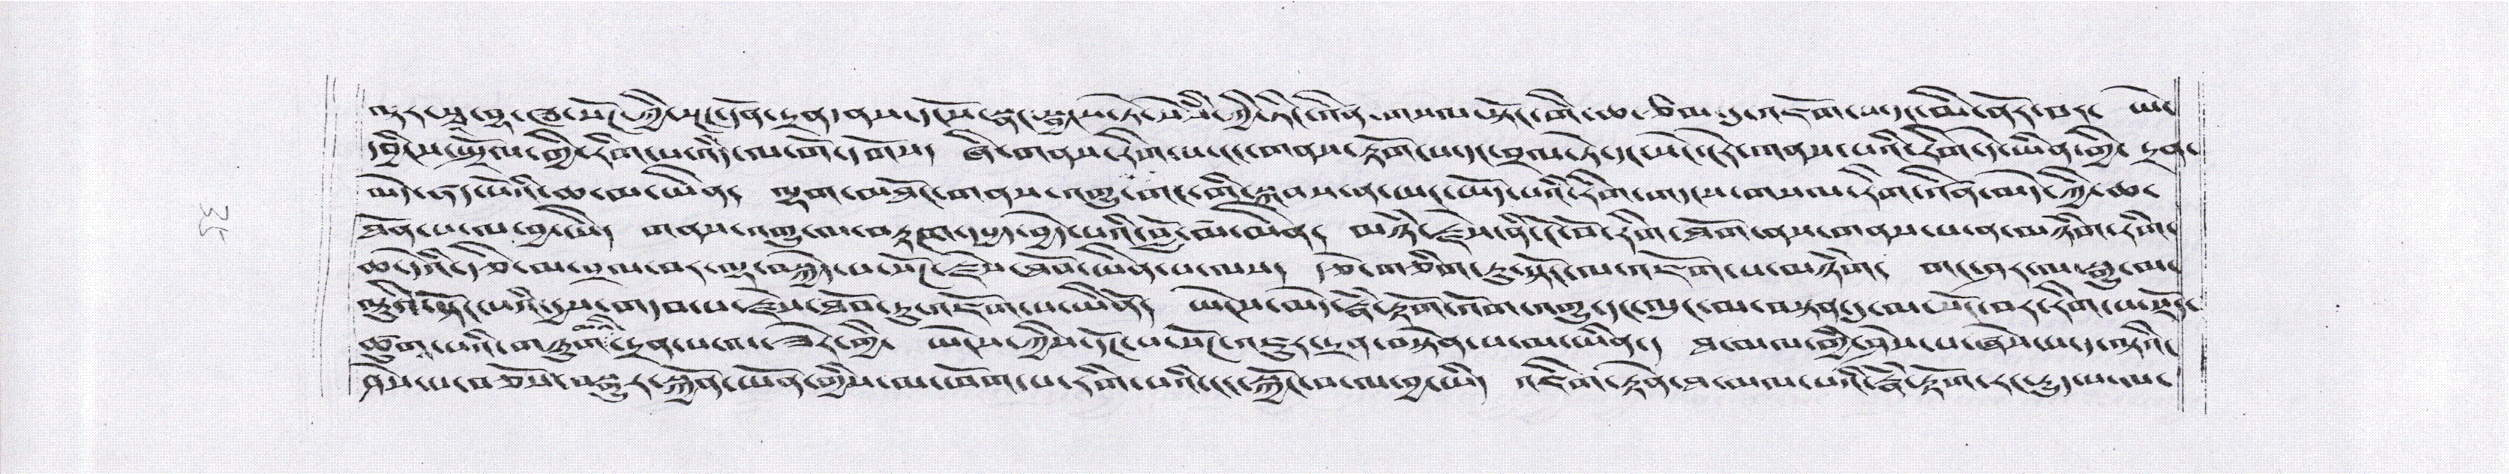ལྟར་ན་སྭ་བྷ་ཝ་སོགས་ཀྱི་སྔགས་དོན་དྲན་ནས་དངོས་སྣང་སྦྱངས་ཏེ་སེམས་ཀྱི་ཏིང་འཛིན་གསལ་སྟོང་གི་ཆ་ཙམ་དུ་འཇོག་པ་དང་མི་ནོར་བར། ཡེ་
དབྱིངས་སྤྲོས་བྲལ་གྱི་རིག་པ་འདི་ལ་གོ་དགོས། ཞི་གནས་རིག་པ་ངང་གནས་རྟོག་པ་དང་བྲལ་ཏེ་དང་སེང་ངེར་གནས་པའི་རིག་པ་དེ་ཡིན་གྱི། དྲན་
མེད་ཧད་པོའི་ཆ་མ་ཡིན། ལྷག་མཐོང་གནས་འགྱུ་གང་གི་སྐབས་ན་ཡང་ཡོད་པའི་རིག་གདངས་གསལ་རིག་འཛིན་མེད་ཀྱི་ཆ་
ཐོན་པ་ལ་བྱ་ཡི། གནས་འགྱུ་ལ་བརྟག་དཔྱད་བྱེད་པའི་བློ་མ་ཡིན། མཉམ་རྗེས་ནི་ངོ་བོ་རིག་ཐོག་ན་གནས་པ་ན་མཉམ་བཞག་རིག་
ཆ་དེའི་རྩི་མ་བྲལ་བར་ལྷ་བསྐྱེད་པ་སོགས་རྗེས་ཐོབ་ཡིན་པ་ལས། རྩེ་གཅིག་ཏུ་སྟོང་ལ་འཇོག་པ་མཉམ་གཞག། གང་ཤར་ལ་སྒྱུ་མ་
ལྟ་བུའི་སྟོང་པའི་རྒྱས་གདབ་པ་རྗེས་ཐོབ་ཏུ་འཇོག་པ་ཡིན་༼མིན༽ནོ། ཡེངས་མེད་རྣམ་རྟོག་འོག་འགྱུ་དང་ལུང་མ་བསྟན་དུ་མ་སོང་བར་རིག་པ་སྡོད་
ཚུགས་པའི་གཉུག་མའི་དྲན་པ་ལ་ཟེར་གྱི། ཡེངས་མེད་ཀྱིས་དྭོགས་པ་སོགས་འཇུར་དྲན་བསྟེན་པ་མ་ཡིན། ཐ་མལ་གྱི་ཤེས་པ་ཞེས་པ་ད་ལྟའི་
ཤེས་པ་བཅོས་སྒྱུར་སྐྱོན་ཡོན་གྱིས་མ་ཕོག་པ་རིག་པའི་ངང་སྐྱོང་བ་ལ་བྱ་ཡི། འཇིག་རྟེན་ཐ་མལ་པའི་རྣམ་རྟོག་རང་རྒྱུད་པ་ལ་